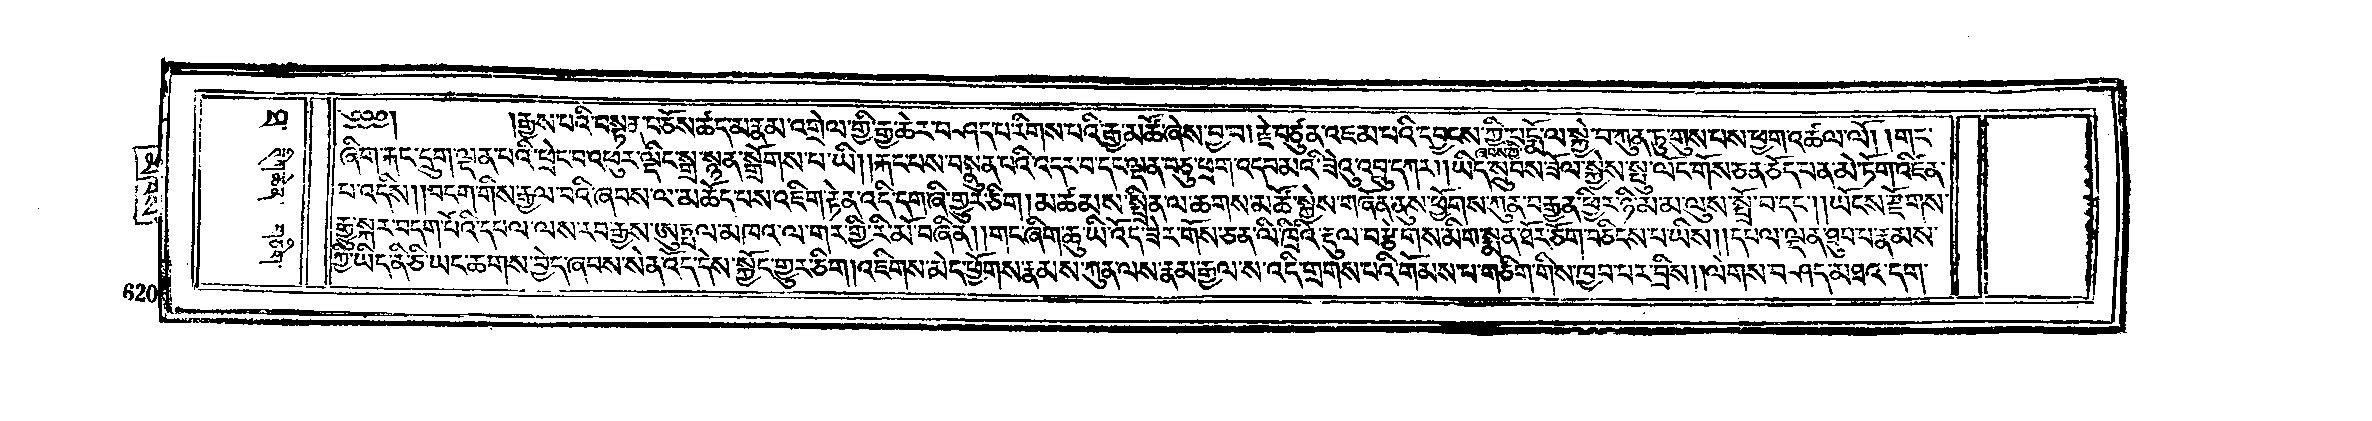༄༅༅། །རྒྱས་པའི་བསྟན་བཅོས་ཚད་མ་རྣམ་འགྲེལ་གྱི་རྒྱ་ཆེར་བཤད་པ་རིགས་པའི་རྒྱ་མཚོ་ཞེས་བྱ་བ། རྗེ་བཙུན་འཇམ་པའི་དབྱངས་ཀྱི་ཞབས་ཀྱི་པདམོ་ལ་སྐྱེ་བ་ཀུན་ཏུ་གུས་པས་ཕྱག་འཚལ་ལོ། །གང་
ཞིག་རྐང་དྲུག་ལྡན་པའི་ཕྲེང་བ་འཕུར་ལྡིང་སྒྲ་སྙན་སྒྲོགས་པ་ཡི། །རྐང་པས་བསྣུན་པའི་འདར་བ་དང་ལྡན་བཅུ་ཕྲག་འདབ་མའི་ཟེའུ་འབྲུ་དཀར། །ཡིད་སྲུབས་ཟོལ་སྐྱེས་སྤུ་ལོང་གོས་ཅན་ཅོད་པན་མེ་ཏོག་འཛིན་
པ་འདིས། །བདག་གིས་རྒྱལ་བའི་ཞབས་ལ་མཆོད་པས་འཇིག་རྟེན་འདི་དག་ཞི་གྱུར་ཅིག། མཚམས་སྤྲིན་ལ་ཆགས་མཚོ་སྐྱེས་གཞོན་ནུས་ཕྱོགས་ཀུན་བརྒྱན་ཕྱིར་ཉི་མ་མ་ལུས་སྤྲོ་བ་དང་། །ཡོངས་རྫོགས་
རྒྱུ་སྐར་བདག་པོའི་དཔལ་ལས་རབ་རྒྱས་ཨུཏྤལ་མཁའ་ལ་གར་གྱི་རི་མོ་བཞིན། །གང་ཞིག་ཆུ་ཡི་འོད་ཟེར་གོས་ཅན་ལི་ཁྲིའི་རྡུལ་བརྩེགས་མིག་སྨན་ཐོར་ཅོག་བཅིངས་པ་ཡིས། །དཔལ་ལྡན་ཐུབ་པ་རྣམས་
ཀྱི་ཡིད་ནི་ཅི་ཡང་ཆགས་བྱེད་ཞབས་སེན་འོད་དེས་སྐྱོང་གྱུར་ཅིག། འཇིགས་མེད་ཕྱོགས་རྣམས་ཀུན་ལས་རྣམ་རྒྱལ་ས་འདི་གྲགས་པའི་གོམས་པ་གཅིག་གིས་ཁྱབ་པར་བྲིས། །ལེགས་བཤད་མཐའ་དག་